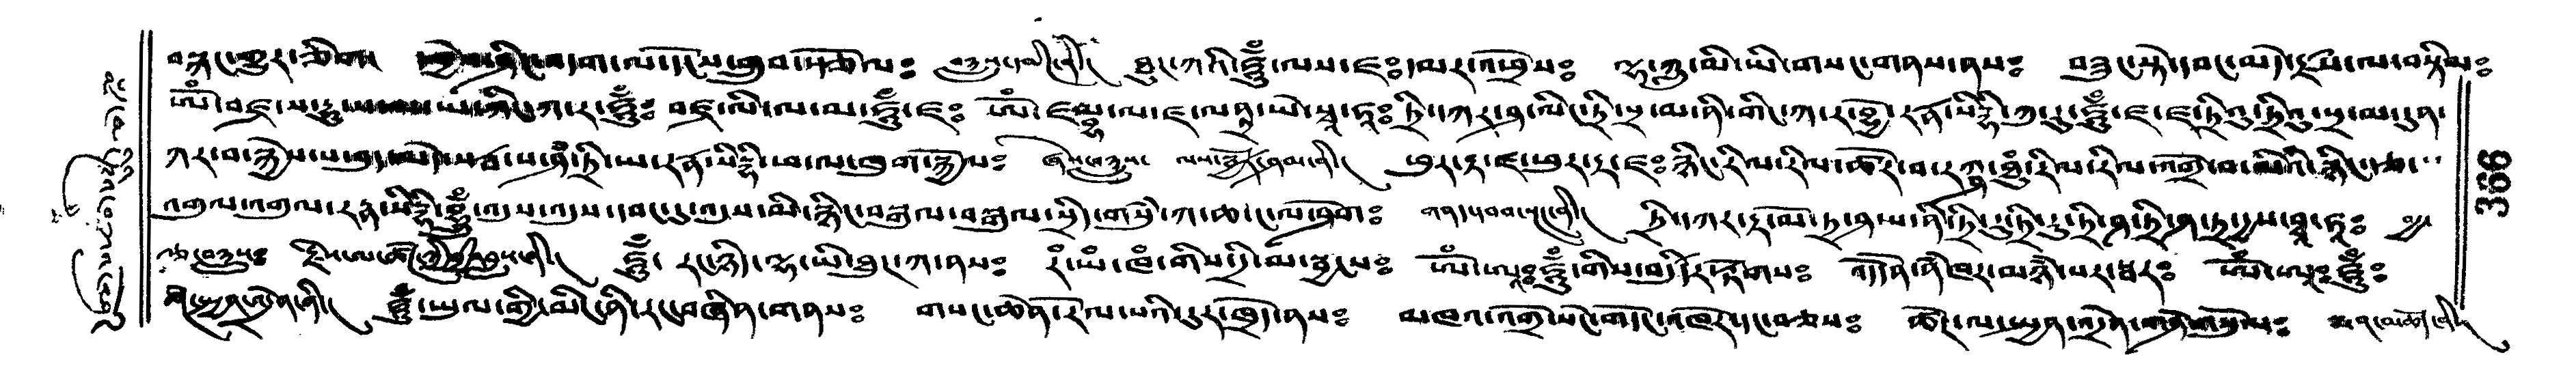བསྐང་གྱུར་ཅིག༔ དགྱེས་ཤིང་བདག་ལ་དངོས་གྲུབ་སྩོལ༔ བཟླས་དམིགས་ནི། ཐུགས་ཀའི་ཧཱུྃ་ལས་ཛ༔དམར་འཕྲོས༔ ལྷ་ཀླུ་མི་ཡི་གསང་གནས་ནས༔ བཟུང་སྟེ་དབང་མེད་རྫས་ལ་བསྟིམ༔ 
ཨོཾ་བཛྲ་ས་དྷུ་ས་མ་ཡ་ཀིང་ཀ་ར་ཧཱུྃ༔བཛྲ་ལི་ལ་མ་ཧཱུྃ་ཛ༔ ཨོཾ་ཛམྦྷ་ལ་ཛ་ལནྟྲ་ཡེ་སྭ་ཧཱ༔ ཏྲི་དཀར་ཤ་ལིང་ཏྲི་པྲ་མ་ནི་གིང་ཀ་ར་བྷྱོ་རཏྣ་སིདྡྷི་ཀུ་རུ་ཧཱུྃ་ཛ་ཛ་ཏྲིའུ་པྲ་མ་དུན་
ཀར་བ་སྐྱེས་པ་བུད་མེད་སརྦ་པ་ཤཾ་ཏྲི་ཡ་རཏྣ་སིདྡྷི་ཕ་ལ་ཁུག་སྐྱོལ༔ ཞེས་བཟླ། ལས་སྦྱོར་གཤམ་ནི། ཕུར་རྟ་ཛ་ཕུར་རྟ་ཛ༔ སྙིང་རིལ་རིལ་ཚོར་བ་རཀྵ་ཐུཾ་རིལ་རིལ་འགྲོ་བ་མིའི་སྙིང་རྩ་
འགུལ་འགུལ་རཏྣ་སིདྡྷི་བྷྲཱུྃ་འདུས་འདུས་དབང་དུ་འདུས་མི་སྙིང་བསྒུལ་བསྒུལ་སྲིད་གསུམ་ཀ་ཆ་ང་ལ་ཤོག༔ གནད་དབབ་སྔགས་ནི། ཏྲི་དཀར་རྟ་མོ་ཏྲ་ཤ་ས་ནི་ཏྲི་རུ་ཏྲི་ཤ་ཏྲི་ཤ་ཏྲ་རྒྱས་སྭ་ཧཱ༔ བརྒྱ་
རྩ་བཟླ། རྗེས་ལ་ཚོགས་ཀྱི་བྱིན་རླབས་ནི། ཧཱུྃ༔ རང་ཉིད་ལྷ་ཡི་ཐུགས་ཀ་ནས༔ རཾ་ཡཾ་ཁཾ་གིས་དྲི་མ་སྦྱངས༔ ཨོཾ་ཨཱ༔ ཧཱུྃ་གིས་བདུད་རྩིར་རྟོགས༔ འདོད་དོན་ནམ་མཁར་མཉམ་པར་སྦར༔ ཨོཾ་ཨཱ༔ ཧཱུྃ༔ 
ཚོགས་སྤྱན་འདྲེན་ནི། ཧཱུྃ༔ཡུལ་གྱི་མིང་ནི་རང་གཞིན་གནས༔ གསང་ཆེན་རོལ་པའི་དུར་ཁྲོད་ནས༔ མཁའ་འགྲོ་སེང་གདོང་འཁོར་དང་བཅས༔ ཚོགས་ལ་སྤྱན་འདྲེན་གཤེགས་སུ་གསོལ༔ སྨན་མཆོད་ནི།